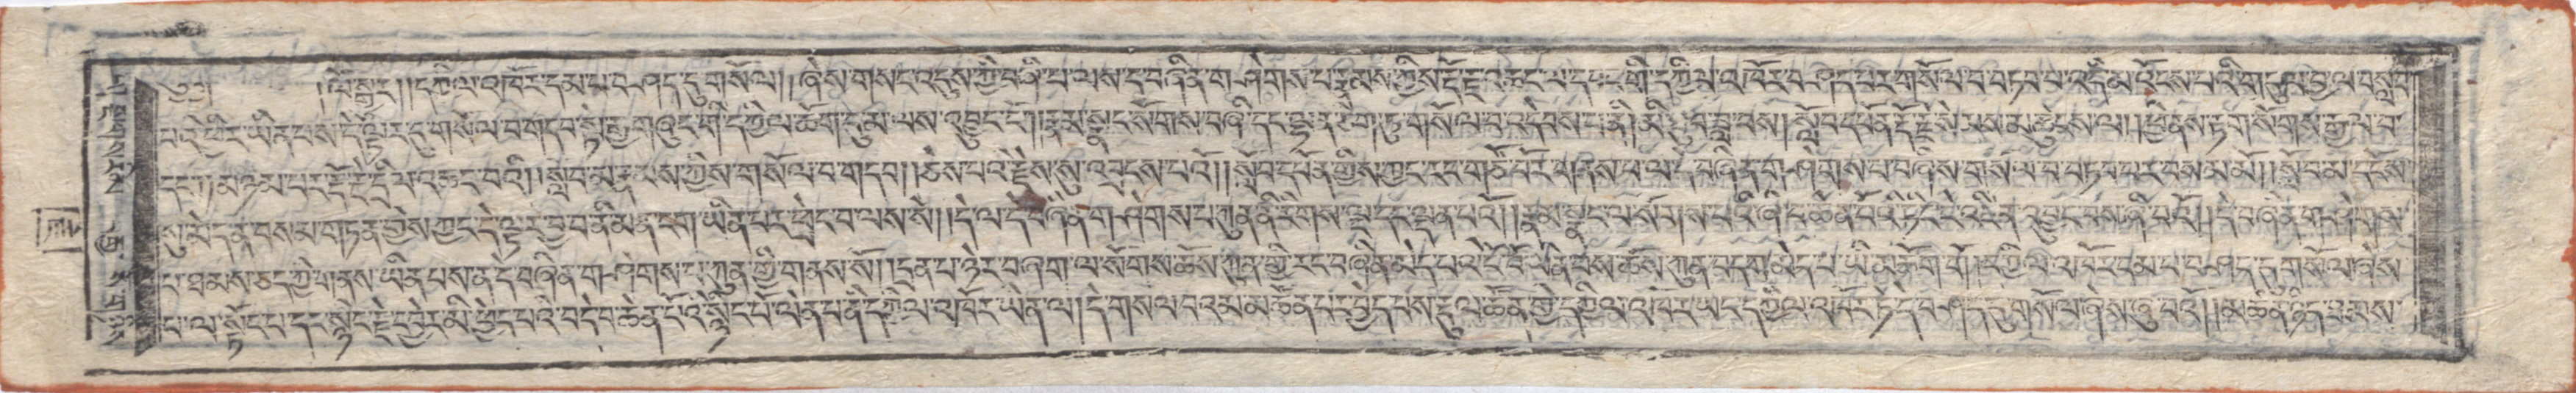༄༅། །ལོ་སྒྱུར། །དཀྱིལ་འཁོར་དམ་པ་བཤད་དུ་གསོལ། །ཞེས་གསང་འདུས་ཀྱི་བཞི་པ་ལས་ད་བཞིན་གཤེགས་པ་རྣམས་ཀྱིས་རྡོ་རྗེ་འཆང་ལ་དབང་གི་དཀྱིལ་འཁོར་བཤད་པར་གསོལ་བ་བཏབ་པ་འདི་མ་འོངས་པའི་གདུལ་བྱ་ལ་བསླབ་
པའི་ཕྱིར་ཡིན་པས་དེ་ལྟར་དུ་གསོལ་བ་གདབ་སྟེ་རྒྱ་གཞུང་གི་དཀྱིལ་ཆོག་དུ་མ་ལས་འབྱུང་ངོ། །རྣམ་སྣང་སོགས་བཞི་དང་ལྷན་ཅིག་ཏུ་གསོལ་བ་འདེབས་པ་ནི། མི་ཐུབ་ཟླ་བས། སློབ་དཔོན་རྡོ་རྗེ་སེམས་མཚུངས་ལ། །ཕྱི་ནས་རྟག་སོགས་རྒྱལ་བ་
དང༑ ༑མཉམ་པར་རྡོ་རྗེ་དྲིལ་འཆང་བའི། །སློབ་མ་རྣམས་ཀྱིས་གསོལ་བ་གདབ། །ཅེས་པའི་རྗེས་སུ་འབྲངས་པའོ། །སློབ་དཔོན་གྱིས་ཀྱང་རང་གཙོ་བོར་གནས་པ་ལ་དེ་བཞིན་གཤེགས་པ་བཞིས་གསོལ་བ་བཏབ་པར་བསམ་མོ། །སློབ་མ་དངོས་
སུ་མེད་ན་བསམ་གཏན་གྱིས་ཀྱང་དེ་ལྟར་བྱ་བ་ནི་མན་ངག་ཡིན་པར་ཕྲེང་བ་ལས་སོ། །དེ་ལ་དེ་བཞིན་གཤེགས་པ་ཀུན་ནི་རིགས་ལྔ་དང་ལྡན་པའོ། །རྣམ་སྣང་ལ་སོགས་པའི་ཞི་བ་ཆེན་པོའི་ཏིང་ངེ་འཛིན་འབྱུང་བས་ཞི་བའོ། །དེ་བཞིན་གཤེགས་
པ་ཐམས་ཅད་ཀྱི་གནས་ཡིན་པས་ན་དེ་བཞིན་གཤེགས་པ་ཀུན་གྱི་གནས་སོ། །དྲན་པ་ཉེར་བཞག་ལ་སོགས་ཆོས་ཀུན་གྱི་རང་བཞིན་མེད་པའི་ངོ་བོ་ཡིན་པས་ཆོས་ཀུན་བདག་མེད་པ་ཡི་མཆོག་གོ །དཀྱིལ་འཁོར་དམ་པ་བཤད་དུ་གསོལ་ཞེས་
པ་ལ་སྟོང་པ་དང་སྙིང་རྗེ་དབྱེར་མི་ཕྱེད་པའི་བདེ་བ་ཆེན་པོའི་སྙིང་པོ་ལེན་པ་ནི་དཀྱིལ་འཁོར་ཡིན་ལ། དེ་གསལ་བའམ་མཚོན་པར་བྱེད་པས་རྡུལ་ཚོན་གྱི་དཀྱིལ་འཁོར་ཡང་དཀྱིལ་འཁོར་ཏེ་དེ་བཤད་དུ་གསོལ་ཞེས་ཞུ་བའོ། །མཚན་ཉིད་ཐམས་